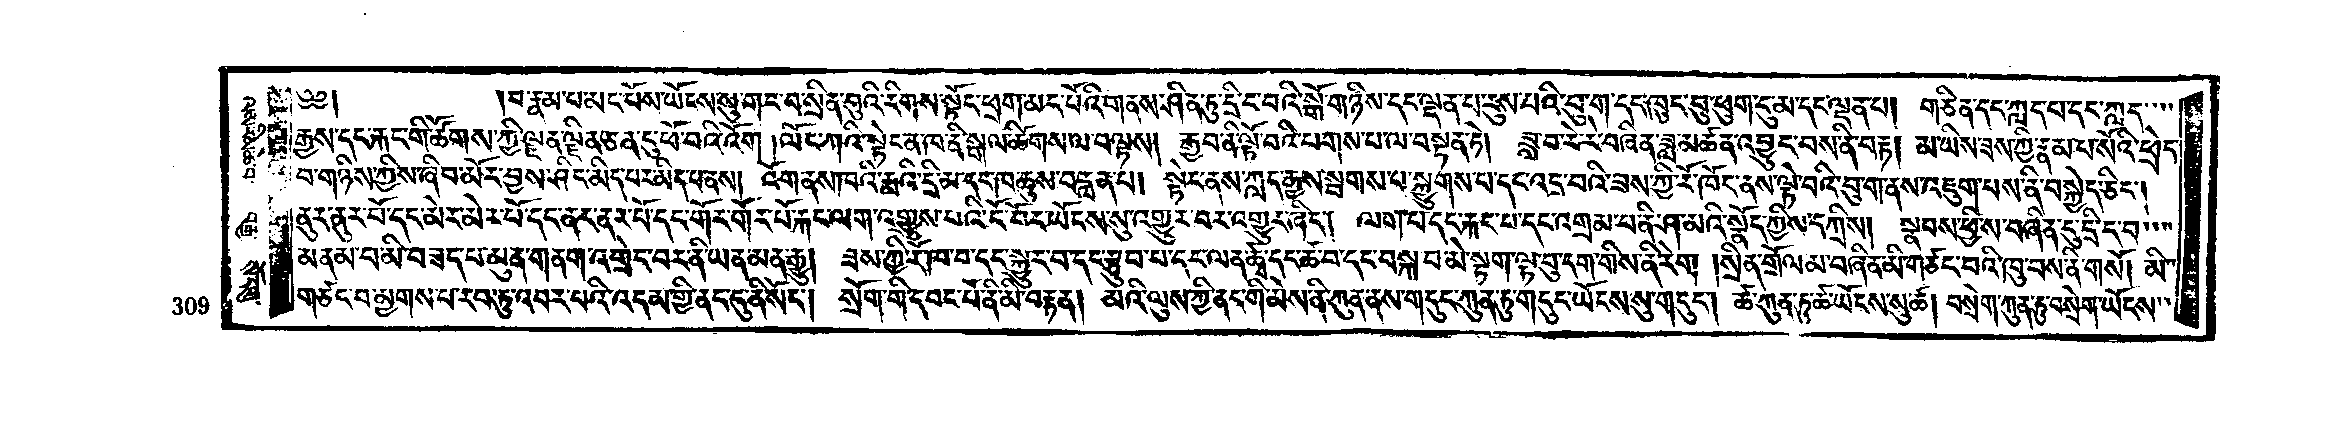༄༅། །བ་རྣམ་པ་མང་པོས་ཡོངས་སུ་གང་བ་སྲིན་བུའི་རིགས་སྟོང་ཕྲག་མང་པོའི་གནས་ཤིན་ཏུ་དྲི་ང་བའི་སྒོ་གཉིས་དང་ལྡན་པ་རུས་པའི་བུ་ག་དང་ཁུང་བུ་ཕུག་དུ་མ་དང་ལྡན་པ། གཅིན་དང་ཀླད་པ་དང་ཀླད་
རྒྱས་དང་རྐང་གི་ཚོགས་ཀྱི་ལྗན་ལྗིན་ཅན་དུ་ཕོ་བའི་འོག །ལོང་ཀའི་སྟེང་ན་ཁ་ནི་སྒལ་ཚིགས་ལ་བལྟས། རྒྱབ་ནི་ལྟོ་བའི་པགས་པ་ལ་བསྟན་ཏེ། ཟླ་བ་རེ་རེ་བཞིན་ཟླ་མཚན་འབྱུང་བས་ནི་བརྟ། མ་ཡིས་ཟས་ཀྱི་རྣམ་པ་སོའི་ཕྲེང་
བ་གཉིས་ཀྱིས་ཞིབ་མོར་བྱས་ཤིང་མིད་པར་མིད་པ་ནས། འོག་ནས་ཁའི་རྨའི་དྲི་མ་དང་ཁ་ཆུས་བརླན་པ། སྟེང་ནས་ཀླད་རྒྱས་སྦགས་པ་སྐྱུགས་པ་དང་འདྲ་བའི་ཟས་ཀྱི་རོ་ཁོང་ནས་ལྟེ་བའི་བུ་ག་ནས་འཇུག་པས་ནི་བསྐྱེད་ཅིང་།
ནུར་ནུར་པོ་དང་མེར་མེར་པོ་དང་ནར་ནར་པོ་དང་གོར་གོར་པོ་རྐང་ལག་འགྱུས་པའི་ངོ་བོར་ཡོངས་སུ་འགྱུར་བར་འགྱུར་ཞིང་། ལག་པ་དང་རྐང་པ་དང་འགྲམ་པ་ནི་ཤ་མའི་སྣོད་ཀྱིས་དཀྲིས། སྣབས་ཕྱི་ས་བཞིན་དུ་དྲི་ང་བ་
མནམ་པ་མི་བཟད་པ་མུན་གནག་འགྲེང་བར་ནི་ཡན་མན་རྒྱུ། ཟས་ཀྱི་རོ་ཁ་བ་དང་སྐྱུར་བ་དང་རྩུབ་པ་དང་ལན་ཚྭ་དང་ཚ་བ་དང་བསྐ་བ་མེ་སྟག་ལྟ་བུ་དག་གིས་ནི་རེག །སྲིན་གྲོལ་མ་བཞིན་མི་གཙང་བའི་ཁུ་བས་ནི་གོས། མི་
གཙང་བ་མྱགས་པ་རབ་ཏུ་འབར་བའི་འདམ་གྱི་ནང་དུ་ནི་སོང་། སྲིག་གི་དབང་པོ་ནི་མི་བརྟན། མའི་ལུས་ཀྱི་ནང་གི་མེས་ནི་ཀུན་ནས་གདུང་ཀུན་ཏུ་གདུང་ཡོངས་སུ་གདུང་། ཚ་ཀུན་ཏུ་ཚ་ཡོངས་སུ་ཚ། བསྲེག་ཀུན་ཏུ་བསྲེག་ཡོངས་